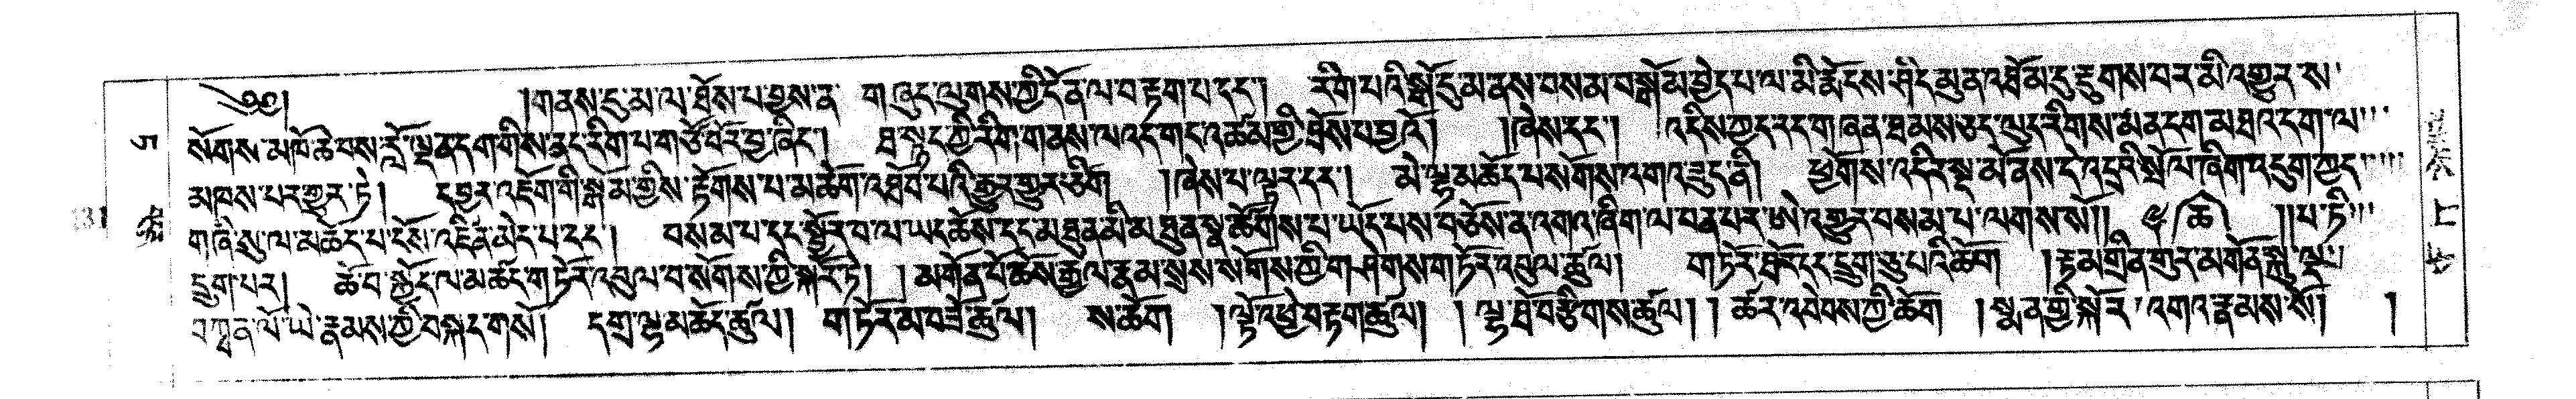༄༅། །གནས་དུ་མ་ལ་ཐོས་པ་བྱས་ན་གཞུང་ལུགས་ཀྱི་དོན་ལ་བརྟག་པ་དང་། རིག་པའི་སྒོ་དུ་མ་ནས་བསམ་བསྒོམ་བྱེད་པ་ལ་མི་རྨོངས་ཤིང་མུན་འཐོམ་དུ་རྡུགས་བར་མི་འགྱུར་ས་
སོགས་མཁོ་ཆེབས་རློ་ལྡན་དག་གིས་ནད་རིག་པ་གཙོ་བོར་བྱ་ཞིང་། ཐ་སྙད་ཀྱི་རིག་གནས་ལའང་གང་འཚམ་གྱི་ཐོས་པ་བྱའོ། །ཞེས་དང་། །འདིས་ཀྱང་རང་གཞན་ཐམས་ཅད་ལུང་རིགས་མན་ངག་མཐའ་དག་ལ་
མཁས་པར་གྱུར་ཏེ། དབྱར་འཇོག་གི་སྒོམ་གྱིས་རྟོགས་པ་མཆོག་འཐོབ་པའི་རྒྱུར་གྱུར་ཅིག །ཞེས་པ་ལྟར་དང་། མེ་ལྷ་མཆོད་པ་སོགས་འགའ་ཟུད་ནི། ཕྱོགས་འདིར་སྔ་མོ་ནས་དེ་འདྲའི་སྲོལ་ཞིག་འདུག་ཀྱང་
གཞི་སུ་ལ་མཆོད་པ་ངོས་འཛིན་མེད་པ་དང་། བསམ་པ་དང་སྦྱོར་བ་ལ་ཡང་ཆོས་དང་མཐུན་མི་མཐུན་སྣ་ཚོགས་པ་ཡོད་པས་བཅོས་ན་འགའ་ཞིག་ལ་བན་པར་ཨེ་འགྱུར་བསམ་པ་ལགས་སོ།། ༈ ཆ྄་།།པ་ཏི་
དྲུག་པར། ཆོ་བ་སྐྱོད་ལ་མཚད་གཏོར་འབུལ་བ་སོགས་ཀྱི་སྐོར་ཏེ། །མགོན་པོ་ཆོས་རྒྱལ་རྣམ་སྲས་སོགས་ཀྱི་གཤེགས་གཏོར་འབུལ་ཚུལ། གཏོར་ཐོར་དང་དྲུག་ཅུ་པའི་ཆོག །རྟ་མགྲིན་གུར་མགོན་སྐུ་ལྔ།
བཀྭན་ལོ་ཡེ་རྣམས་ཀྱི་བསྐད་གསོ། དགྲ་ལྷ་མཆོད་ཚུལ། གཏོར་མ་བཟོ་ཚུལ། ས་ཆོག །ལྟོ་འཕྱེ་བརྟག་ཚུལ། །ལྷ་ཐོ་བརྩིགས་ཚུལ། །ཚར་འབེབས་ཀྱི་ཆོག །སྨན་གྱི་སྐོར་འགའ་རྣམས་སོ། །